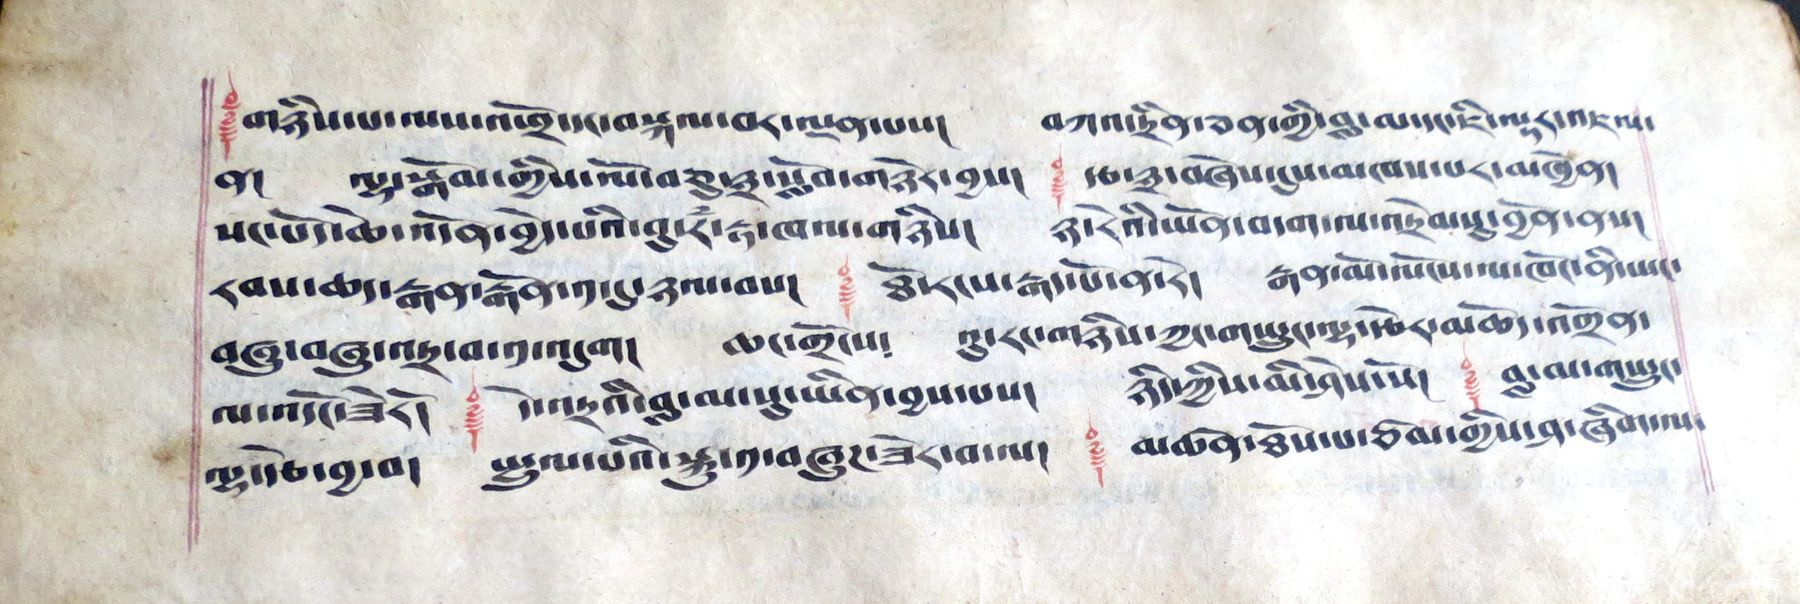གཉིས་པ་ལས་འཕྲོ་དང་སྐལ་པར་ལྡན་པས། བཀའ་དྲིན་ཅན་གྱི་བླ་མ་དང་ཅི་ལྟར་མཇལ་
ན། ལྷ་སྒོམ་གྱིས་ལོ་བཅུ་གསུམ་སློབ་གཉེར་བྱས། རྩ་གསུམ་བཞེས་དུས་མཁས་པར་མཁྱེན། 
སངས་ཕོད་ཆེ་འདོན་བྱེད་པའི་བུ་རམ་རྟ་ཁལ་གཉིས། ཉ་རེའི་ཡོན་བདག་ལ་འགྲེམས་སུ་བྱོན་ནས། 
རབས་ཆད་རྒན་རྒོན་ཞིག་ཅན་དུ་ཉལ་བས། ཐོ་རེངས་རྒད་པོས་ན་རེ། རྒད་མོ་ལངས་ལ་ཁོང་ནི་ཡང་
བཞུད་བཞུད་འདྲ་བ་ཞིག་འདུག། ཆང་དྲོངས། འུ་རང་གཉིས་ཀྱང་གཡུང་དྲུང་ལྷ་རྩེར་མཆོད་འགྲོན་
ལ་འགྲོ་ཟེར་རོ། ། དེ་འདྲའི་བླ་མ་སུ་ཡིན་བྱས་པས། ཉིད་ཀྱིས་མི་ཤེས་སམ། བླ་མ་གཡུང་དྲུང་
ལྷ་རྩེ་བྱ་བ། སྤྲུལ་པའི་སྐུ་ཞིག་བཞུགས་ཟེར་བ་ལ། མཚན་ཐོས་ཙམ་གྱིས་ཤ་ཞིག་ལ་